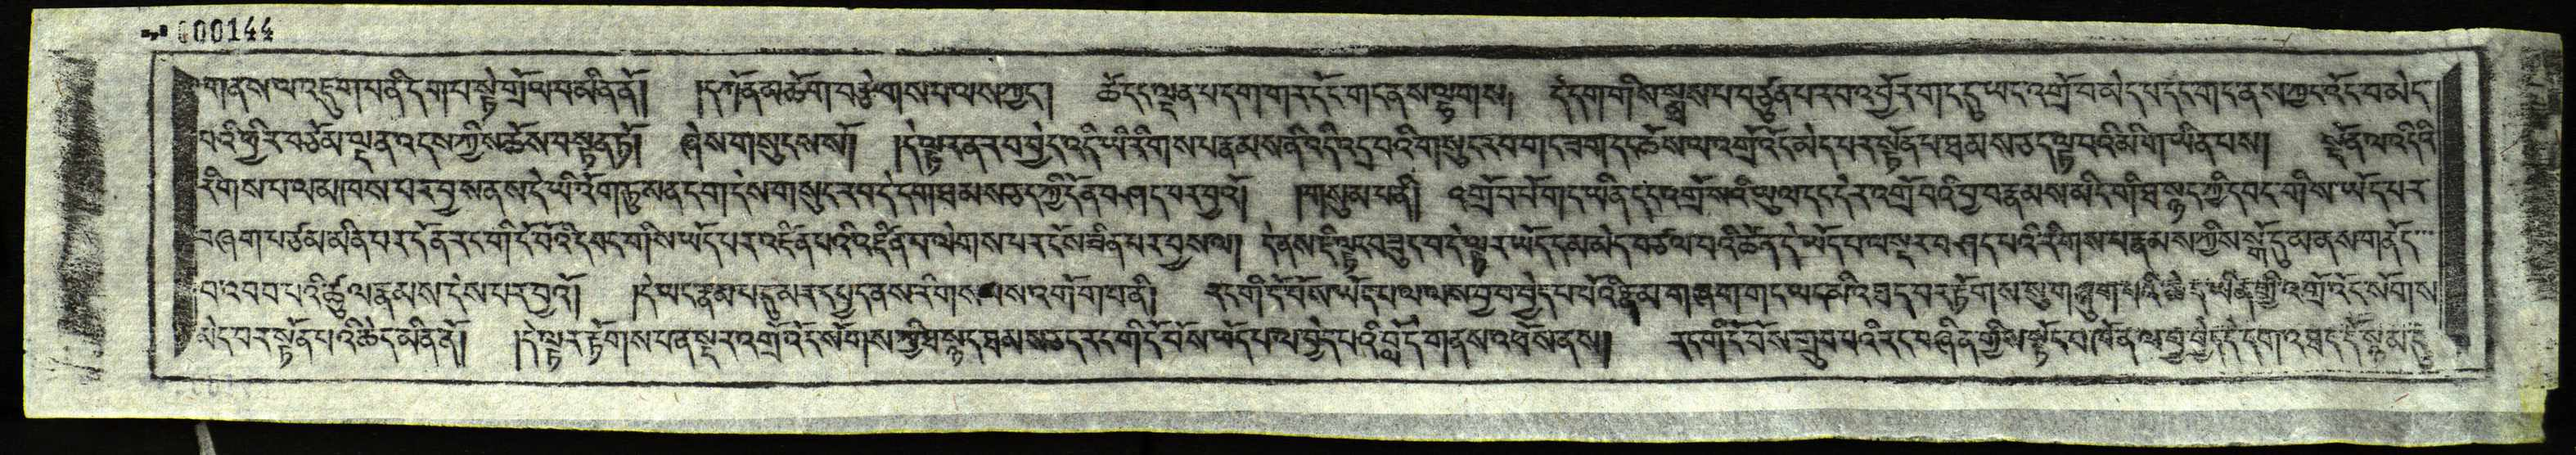གནས་ལ་འཇུག་པ་ནི་དག་པ་སྟེ་གྲོལ་བ་མིན་ནོ། །དཀོན་མཆོག་བརྩེགས་པ་ལས་ཀྱང་། ཚེ་དང་ལྡན་པ་དག་གར་དོང་གང་ནས་ལྷགས། དེ་དག་གིས་སྨྲས་པ་བཙུན་པ་རབ་འབྱོར་གང་དུ་ཡང་འགྲོ་བ་མེད་པ་དང་གང་ནས་ཀྱང་འོང་བ་མེད་
བའི་ཕྱིར་བཅོམ་ལྡན་འདས་ཀྱིས་ཆོས་བསྟན་ཏོ། ཞེས་གསུངས་སོ། །དེ་ལྟར་ན་རབ་བྱེད་འདི་ཡི་རིགས་པ་རྣམས་ནི་འདི་འདྲ་བའི་གསུང་རབ་གང་ཟག་དང་ཆོས་ལ་འགྲོ་འོང་མེད་པར་སྟོན་པ་ཐམས་ཅད་ལྟ་བའི་མིག་ཡིན་པས། སྔོན་ལ་འདིའི་
རིགས་པ་ལ་མཁས་པར་བྱས་ནས་དེ་ཡི་འོག་ཏུ་སན་ངག་དེས་གསུང་རབ་དེ་དག་ཐམས་ཅད་ཀྱི་དོན་བཤད་པར་བྱའོ། །གསུམ་པ་ནི། འགྲོ་བ་པོ་གང་ཡིན་དང་འགྲོ་སའི་ཡུལ་དང་དེར་འགྲོ་བའི་བྱ་བ་རྣམས་མིང་གི་ཐ་སྙད་ཀྱི་དབང་གིས་ཡོད་པར་
བཞག་པ་ཙམ་མིན་པར་དོན་རང་གི་ངོ་བོའི་དབང་གིས་ཡོད་པར་འཛིན་པའི་འཛིན་པ་ལེགས་པར་ངོས་ཟིན་པར་བྱས་ལ། དེ་ནས་ཇི་ལྟར་བཟུང་བ་དེ་ལྟར་ཡོད་དམ་མེད་བཙལ་བའི་ཚེ་ན་དེ་ཡོད་པ་ལ་སྔར་བཤད་པའི་རིགས་པ་རྣམས་ཀྱིས་སྒོ་དུ་མ་ནས་གནོད་
པ་འབབ་པའི་ཚུལ་རྣམས་ངེས་པར་བྱའོ། །དེ་ཡང་རྣམ་པ་དུ་མར་དཔྱད་ནས་རིགས་པས་འགོག་པ་ནི། རང་གི་ངོ་བོས་ཡོད་པ་ལ་ལས་བྱ་བ་བྱེད་པ་པོའི་རྣམ་གཞག་གང་ཡང་མི་འཐད་པར་རྟོགས་སུ་གཞུག་པའི་ཆེད་ཡིན་གྱི་འགྲོ་འོང་སོགས་
མེད་བར་སྟོན་པའི་ཆེད་མིན་ནོ། །དེ་ལྟར་རྟོགས་པ་ན་སྔར་འགྲོ་འོང་སོགས་ཀྱི་ཐ་སྙད་ཐམས་ཅད་རང་གི་ངོ་བོས་ཡོད་པ་ལ་བྱེད་པའི་བློ་དེ་གནས་འཕོས་ནས། རང་གི་ངོ་བོས་གྲུབ་པའི་རང་བཞིན་གྱིས་སྟོང་པ་ཁོ་ན་ལ་བྱ་བྱེད་དེ་དག་འཐད་དོ་སྙམ་དུ་